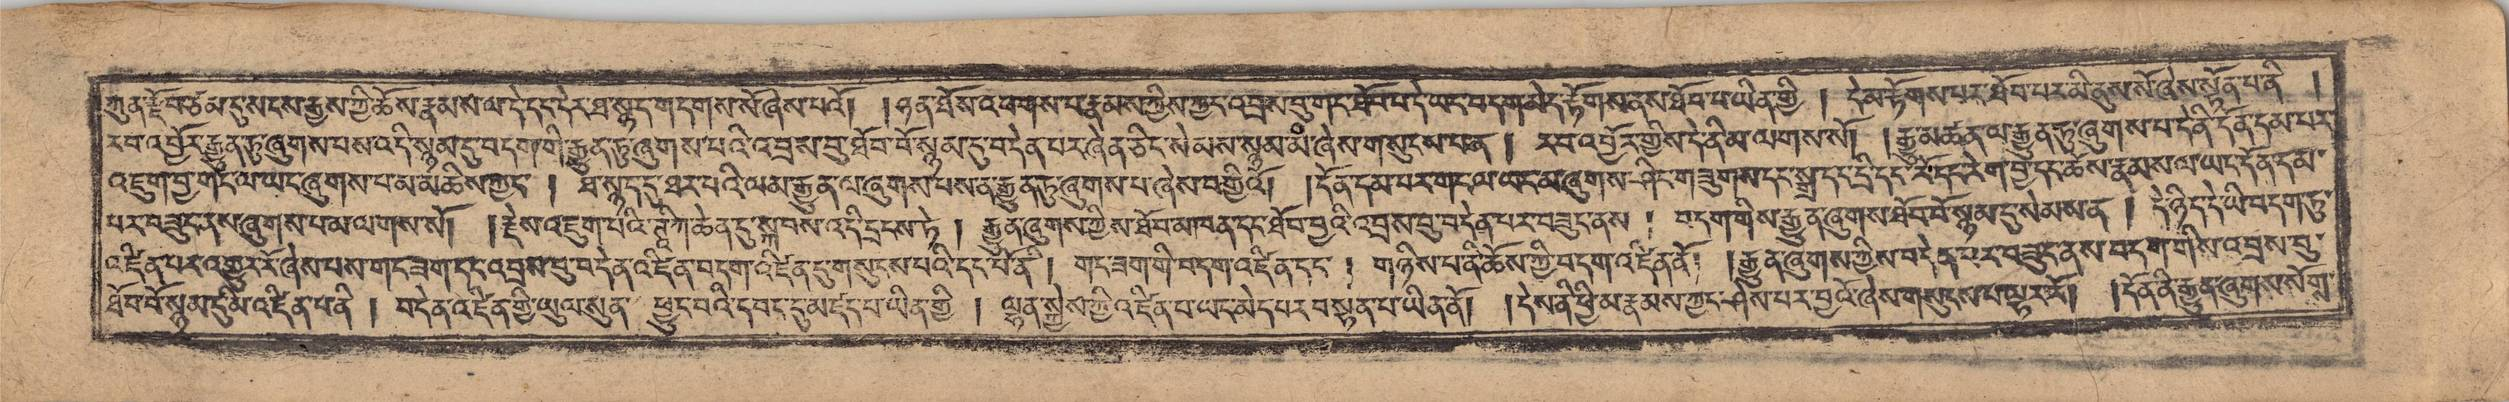ཀུན་རྫོབ་ཙམ་དུ་སངས་རྒྱས་ཀྱི་ཆོས་རྣམས་ལ་དེ་དང་དེར་ཐ་སྙད་གདགས་སོ་ཞེས་པའོ། །ཉན་ཐོས་འཕགས་པ་རྣམས་ཀྱིས་ཀྱང་འབྲས་བུ་གང་ཐོབ་པ་དེ་ཡང་བདག་མེད་རྟོགས་ནས་ཐོབ་པ་ཡིན་གྱི། དེ་མ་རྟོགས་པར་ཐོབ་པར་མི་ནུས་སོ་ཞེས་སྟོན་པ་ནི།
རབ་འབྱོར་རྒྱུན་ཏུ་ཞུགས་པས་འདི་སྙམ་དུ་བདག་གི་རྒྱུན་ཏུ་ཞུགས་པའི་འབྲས་བུ་ཐོབ་བོ་སྙམ་དུ་བདེན་པར་ཞེན་ཅིང་སེམས་སྙམ་མཾ་ཞེས་གསུངས་པ་ན། རབ་འབྱོར་གྱིས་དེ་ནི་མ་ལགས་སོ། །རྒྱུ་མཚན་ལ་རྒྱུན་ཏུ་ཞུགས་པ་དེ་ནི་དོན་དམ་པར་
འཇུག་བྱ་གང་ལ་ཡང་ཞུགས་པ་མ་མཆིས་ཀྱང་། ཐ་སྙད་དུ་ཐར་པའི་ལམ་རྒྱུན་ལ་ཞུགས་པས་ན་རྒྱུན་ཏུ་ཞུགས་པར་ཞེས་བགྱིའོ། །དོན་དམ་པར་གང་ལ་ཡང་མ་ཞུགས་ཤིང་གཟུགས་དང་སྒྲ་དང་དྲི་དང་རོ་དང་རེག་བྱ་དང་ཆོས་རྣམས་ལ་ཡང་དོན་དམ་
པར་བཟུང་ནས་ཞུགས་པ་མ་ལགས་སོ། །རྗེས་འཇུག་པའི་ཊཱིཀ་ཆེན་དུ་སྐབས་འདི་དྲངས་ཏེ། རྒྱུན་ཞུགས་ཀྱི་ས་ཐོབ་མཁན་དང་ཐོབ་བྱའི་འབྲས་བུ་བདེན་པར་བཟུང་ནས། བདག་གིས་རྒྱུན་ཞུགས་ཐོབ་བོ་སྙམ་དུ་སེམས་ན། དེ་ཉིད་དེ་ཡི་བདག་ཏུ་
འཛིན་པར་འགྱུར་རོ་ཞེས་པས་གང་ཟག་དང་འབྲས་བུ་བདེན་འཛིན་བདག་འཛིན་དུ་གསུངས་པའི་དང་པོ་ནི། གང་ཟག་གི་བདག་འཛིན་དང་། གཉིས་པ་ནི་ཆོས་ཀྱི་བདག་འཛིན་ནོ། །རྒྱུན་ཞུགས་ཀྱིས་བདེན་པ་ལ་བཟུང་ནས་བདག་གིས་འབྲས་བུ་
ཐོབ་བོ་སྙམ་དུ་མི་འཛིན་པ་ནི། བདེན་འཛིན་གྱི་ཡུལ་སུན་ཕྱུང་བའི་དབང་དུ་མཛད་པ་ཡིན་གྱི། ལྷན་སྐྱེས་ཀྱི་འཛིན་པ་ཡང་མེད་པར་བསྟན་པ་ཡིན་ནོ། །དེས་ནི་ཕྱི་མ་རྣམས་ཀྱང་ཤེས་པར་བྱའོ་ཞེས་གསུངས་པ་ལྟར་རོ། །དོན་ནི་རྒྱུན་ཞུགས་སོགས་